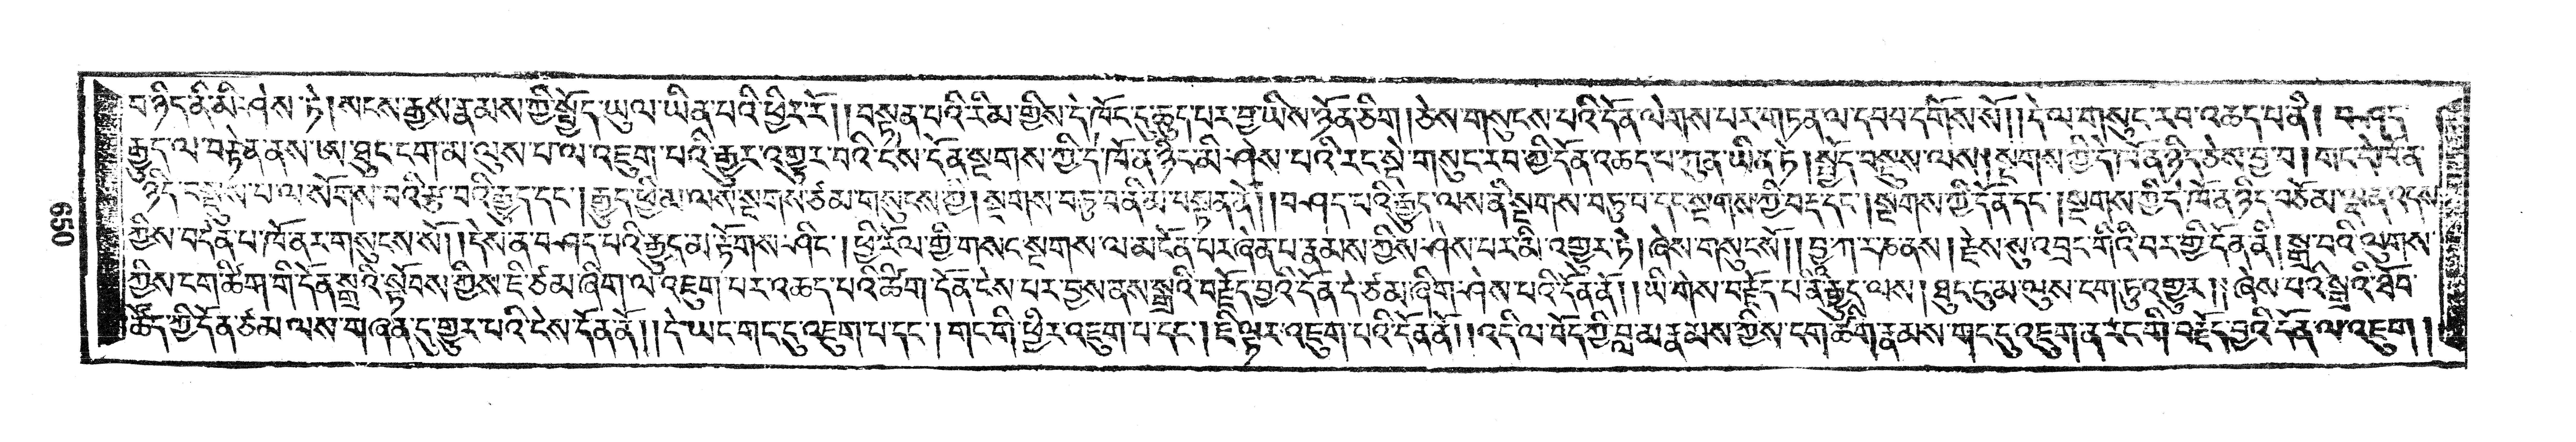བ་ཉིད་ནི་མི་ཤེས་ཏ། སངས་རྒྱས་རྣམས་ཀྱི་སྤྱོད་ཡུལ་ཡིན་པའི་ཕྱིར་རོ། །བསྟན་པའི་རིམ་གྱིས་དེ་ཁོང་དུ་ཆུད་པར་བྱ་ཡིས་ཉོན་ཅིག །ཅེས་གསུངས་པའི་དོན་ལེགས་པར་གཏན་ལ་དབབ་དགོས་སོ། །དེ་ལ་གསུང་རབ་འཆད་པ་ནི། བཤད་
རྒྱུད་ལ་བརྟེན་ནས་ཨ་ཐུང་ངག་མ་ལུས་པ་ལ་འཇུག་པའི་རྒྱུར་འགྱུར་བའི་ངེས་དོན་སྔགས་ཀྱི་དེ་ཁོ་ན་ཉིད་མི་ཤེས་པའི་རང་སྡེ་གསུང་རབ་ཀྱི་དོན་འཆད་པ་ཀུན་ཡིན་ཏེ། སྤྱོད་བསྡུས་ལས། སྔགས་ཀྱི་དེ་ཁོ་ན་ཉིད་ཅེས་བྱ་བ། གང་དེ་ཁོ་ན་
ཉིད་བསྡུས་པ་ལ་སོགས་པའི་རྩ་བའི་རྒྱུད་དང་། རྒྱུད་ཕྱི་མ་ལས་སྔགས་ཙམ་གསུངས་ཀྱི། སྔགས་བཏུ་བ་ནི་མ་བསྟན་ནོ། །བཤད་པའི་རྒྱུད་ལས་ནི་སྔགས་བཏུ་བ་དང་སྔགས་ཀྱི་བརྡ་དང་། སྔགས་ཀྱི་དོན་དང་། སྔགས་ཀྱི་དེ་ཁོ་ན་ཉིད་བཅོམ་ལྡན་འདས་
ཀྱིས་བདེན་པ་ཁོ་ནར་གསུངས་སོ། །དེས་ན་བཤད་པའི་རྒྱུད་མ་རྟོགས་ཤིག། ཕྱི་རོལ་གྱི་གསང་སྔགས་ལ་མངོན་པར་ཞེན་པ་རྣམས་ཀྱིས་ཤེས་པར་མི་འགྱུར་ཏེ། ཞེས་གསུངས་སོ། །བྱཱ་ཀ་ར་ཎ་ནས། རྗེས་སུ་འབྲང་གིའི་བར་གྱི་དོན་ནི། སྒྲ་བའི་ལུགས་
ཀྱིས་ངག་ཚིག་གི་དོན་སྒྲའི་སྟོབས་ཀྱིས་ཇི་ཙམ་ཞིག་ལ་འཇུག་པར་འཆད་པའི་ཚིག་དོན་ངེས་པར་བྱས་ནས་སྒྲའི་བརྗོད་བྱའི་དོན་དེ་ཙམ་ཞིག་ཤེས་པའི་དོན་ནོ། །ཡི་གེས་བརྗོད་པ་ནི་རྒྱུད་ལས། ཐུང་ངུ་མ་ལུས་ངག་ཏུ་འགྱུར། །ཞེས་པའི་སྒྲའི་ཐོབ་
ཚོད་ཀྱི་དོན་ཙམ་ལས་གཞན་དུ་གྱུར་པའི་ངེས་དོན་ནོ། །དེ་ཡང་གང་དུ་འཇུག་པ་དང་། གང་གི་ཕྱིར་འཇུག་པ་དང་། ཇི་ལྟར་འཇུག་པའི་དོན་ནོ། །འདི་ལ་བོད་ཀྱི་བླ་མ་རྣམས་ཀྱིས་ངག་ཚིག་རྣམས་གང་དུ་འཇུག་ན་རང་གི་བརྗོད་བྱའི་དོན་ལ་འཇུག །